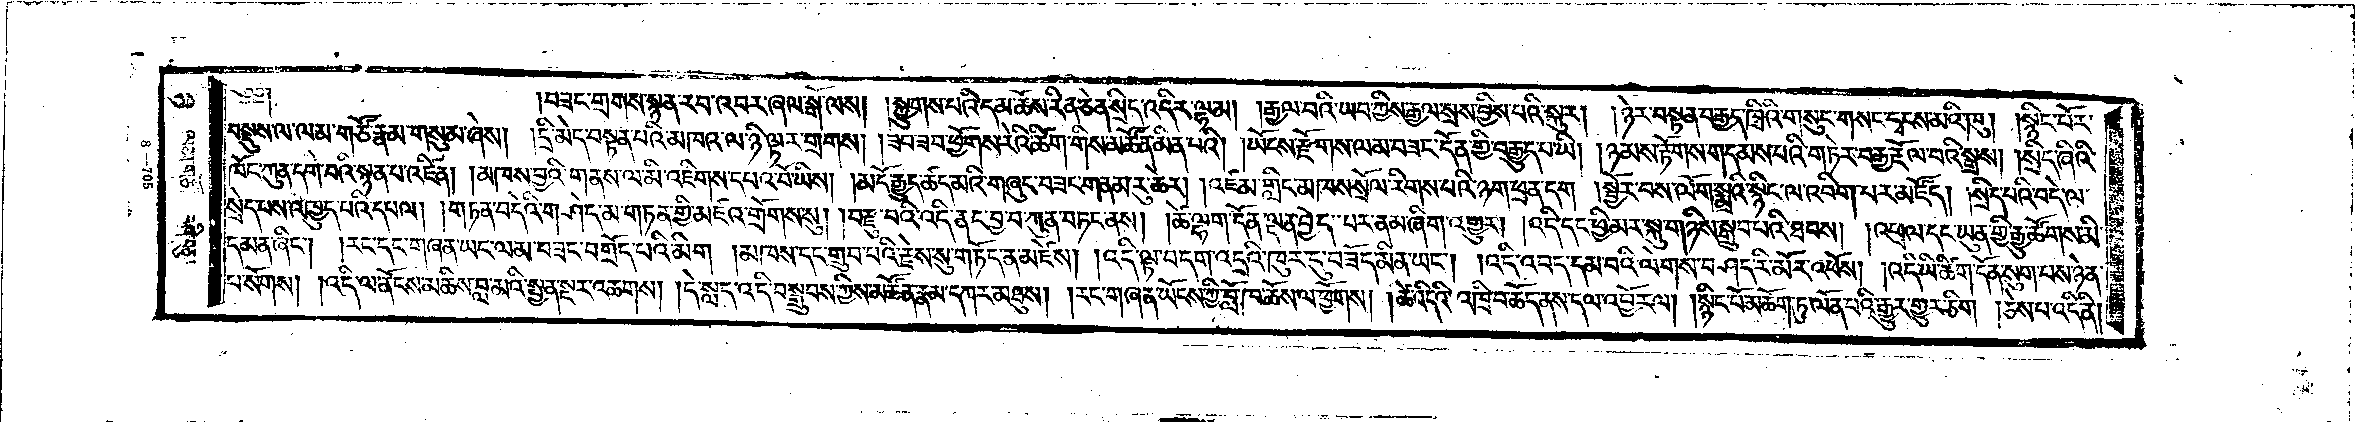༄༅། །བཟང་གྲགས་སྙན་རབ་འབར་ཞལ་སྒོ་ལས། །སྐྱུགས་པའི་དམ་ཆོས་རིན་ཅེན་སྲིད་འདིར་ལྷམ། །རྒྱལ་བའི་ཡབ་ཀྱིས་རྒྱལ་སྲས་བྱིས་པའི་སྐུར། །ཉེར་བསྟན་བརྒྱད་ཁྲིའི་གསུང་གསང་དྭངས་མའི་ཁུ། །སྙིང་པོར་
བསྡུས་ལ་ལམ་གཙོ་རྣམ་གསུམ་ཞེས། །དྲི་མེད་བསྟན་པའི་མཁའ་ལ་ཉི་ལྟར་གྲགས། །ཟབ་ཟབ་ཕྱོགས་རེའི་ཚིག་གིས་མཚོན་མིན་པའི། །ཡོངས་རྫོགས་ལམ་བཟང་དོན་གྱི་བརྒྱུད་པ་ཡི། །ཉམས་རྟོགས་གདམས་པའི་གཏེར་བརྒྱ་རྡོལ་བའི་སྒྲས། །སྲིད་ཞིའི་
ཁོང་ཀུན་དགེ་བའི་སྙན་པ་འཛིན། །མཁས་བྱའི་གནས་ལ་མི་འཇིགས་དཔའ་པོ་ཡིས། །མདོ་རྒྱུད་ཚད་མའི་གཞུང་བཟང་གནམ་རུ་ཆེར། །འཛམ་གླིང་མཁས་སྲོལ་རིགས་པའི་ཉག་ཕྲན་དག །སྦྱོར་བས་ལོག་སྨྲའི་སྙིང་ལ་འབིག་པར་མཛོད། །སྲིད་པའི་བདེ་ལ་
སྲེད་པས་འཁྱུད་པའི་དཔལ། །གཏན་བདེའི་གཤེད་མ་གཏན་གྱི་མཛའ་གྲོགས་སུ། །བརྫུ་བའི་འདིནང་བྱ་བ་ཀུན་བཏང་ནས། །ཚེ་ལྷག་དོན་ལྡན་བྱེད་པར་ནམ་ཞིག་འགྱུར། །འདི་དང་ཕྱི་མར་སྐུ་གཉིས་སྒྲུབ་པའི་ཐབས། །འཕྲལ་དང་ཡུན་གྱི་རྒྱུ་ཚོགས་མི་
དམན་ཞིང་། །རང་དང་གཞན་ཡང་ལམ་བཟང་བགྲོད་པའི་མིག །མཁས་དང་གྲུབ་པའི་རྗེས་སུ་གཏོད་ན་མཛེས། །འདི་ལྟ་བདག་འདྲའི་ཁུར་དུ་བཟོད་མིན་ཡང་། །འདི་འབད་དམ་པའི་ལེགས་བཤད་རི་མོར་འཕོས། །འདི་ཡི་ཚིག་དོན་སུག་པས་ཉེན་
པ་སོགས། །འདི་ལ་ནོངས་མཆིས་བླ་མའི་སྤྱན་སྔར་འཆགས། །དེ་སླད་འདི་བསྒྲུབས་ཀྱིས་མཚོན་རྣམ་དཀར་མཐུས། །རང་གཞན་ཡོངས་ཀྱི་བློ་ཁ་ཆོས་ལ་ཕྱོགས། །ཚེ་འདིའི་འཁྲི་བ་ཆོད་ནས་དལ་འབྱོར་ལ། །སྙིང་པོ་མཆོག་ཏུ་ལོན་པའི་རྒྱུར་གྱུར་ཅིག །ཅེས་པ་འདི་ནི།